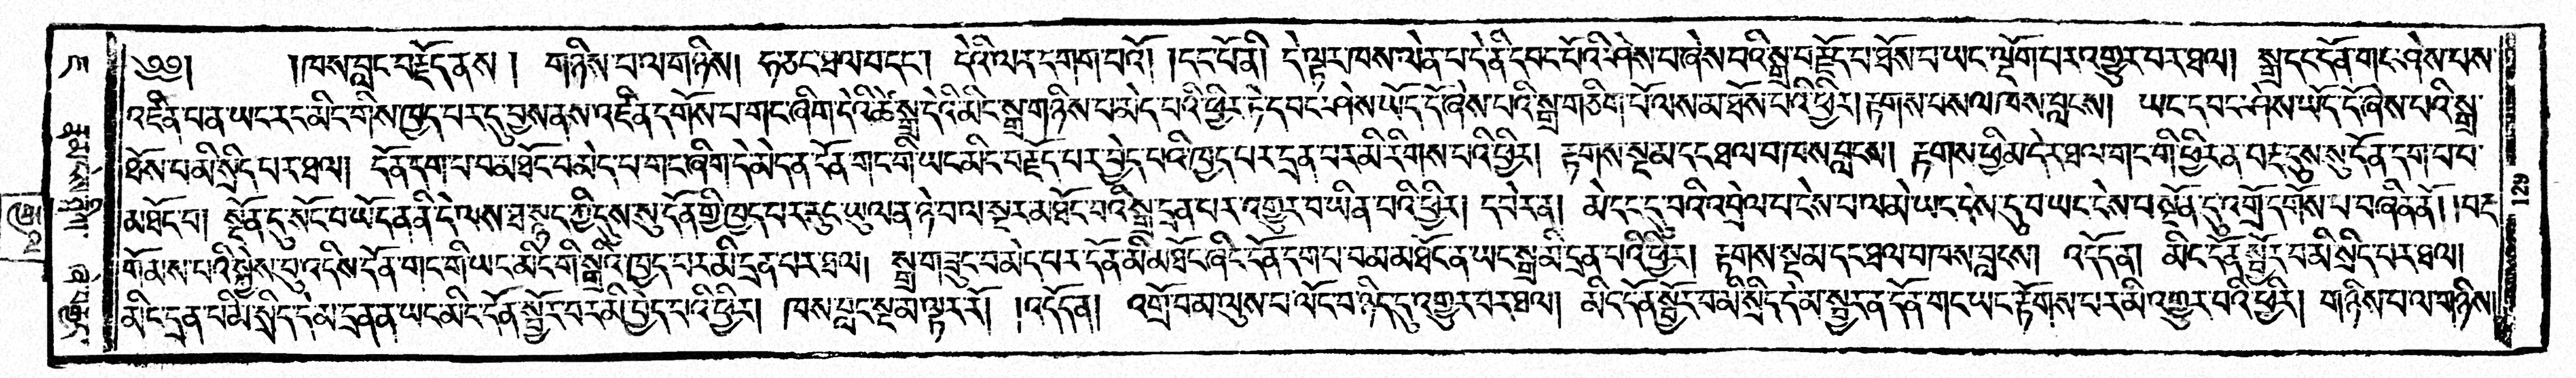༄༅། །ཁས་བླང་བརྗོད་ནས། གཉིས་པ་ལ་གཉིས། ཧ་ཅང་ཐལ་བ་དང་། དེའི་ལར་དགག་པའོ། །དང་པོ་ནི། དེ་ལྟར་ཁས་ལེན་པ་དེ་ནི་དབང་པོའི་ཤེས་པ་ཞེས་པའི་སྒྲ་བརྗོད་པ་ཐོས་པ་ཡང་ལྡོག་པར་འགྱུར་བར་ཐལ། སྒྲ་དང་དོན་དང་ཤེས་པས་
འཛིན་པ་ན་ཡང་རང་མིང་གིས་ཁྱད་པར་དུ་བྱས་ནས་འཛིན་དགོས་པ་གང་ཞིག་དེའི་ཚེ་སྒྲ་དེའི་མིང་སྒྲ་གཉིས་པ་མེད་པའི་ཕྱིར་ཏེ་དབང་ཤེས་ཡོད་དོ་ཞེས་པའི་སྒྲ་གཅིག་པོ་ལས་མ་ཐོས་པའི་ཕྱིར། རྟགས་བསལ་ཁས་བླངས། ཡང་དབང་ཤེས་ཡོད་དོ་ཞེས་པའི་སྒྲ་
ཐོས་པ་མི་སྲིད་པར་ཐལ། དོན་དག་པ་བ་མཐོང་བ་མེད་པ་གང་ཞིག་དེ་མེད་ན་དོན་གང་གི་ཡང་མིང་བརྗོད་པར་བྱེད་པའི་ཁྱད་པར་དྲན་པར་མི་རིགས་པའི་ཕྱིར། རྟགས་སྔ་མ་དང་ཐལ་བ་ཁས་བླངས། རྟགས་ཕྱི་མ་དེར་ཐལ་གང་གི་ཕྱིར་ན་བརྡ་དུས་སུ་དོན་དག་པ་བ་
མཐོང་བ། སྔོན་དུ་སོང་བ་ཡོད་ན་ནི་དེ་ལས་ཐ་སྙད་ཀྱི་དུས་སུ་དོན་གྱི་ཁྱད་པར་རུང་ཡུལ་ན་ཉེ་བ་ལ་སྔར་མཐོང་བའི་སྒྲ་དྲན་པར་འགྱུར་བ་ཡིན་པའི་ཕྱིར། དཔེར་ན། མེ་དང་དུ་བའི་འབྲེལ་པ་ངེས་པ་ལ་མེ་ཡང་ངེས་དུ་བ་ཡང་ངེས་པ་སྔོན་དུ་འགྲོ་དགོས་པ་བཞིན་ནོ། །བརྡ་
གོམས་པའི་སྐྱེས་བུ་འདིས་དོན་གང་གི་ཡང་མིང་གི་སྒྲའི་ཁྱད་པར་མི་དྲན་པར་ཐལ། སྒྲ་གཟུང་བ་མེད་པར་དོན་མི་མཐོང་ཞིང་དོན་དག་པ་བ་མ་མཐོང་ན་ཡང་སྒྲ་མི་དྲན་པའི་ཕྱིར། རྟགས་སྔ་མ་དང་ཐལ་བ་ཁས་བླངས། འདོད་ན། མིང་དོན་སྦྱོར་བ་མི་སྲིད་པར་ཐལ།
མིང་དྲན་པ་མི་སྲིད་དེ་མ་དྲན་ན་ཡང་མིང་དོན་སྦྱོར་བར་མི་བྱེད་པའི་ཕྱིར། ཁས་བླང་སྔ་མ་ལྟར་རོ། །འདོད་ན། འགྲོ་བ་མ་ལུས་པ་ལོང་བ་ཉིད་དུ་འགྱུར་བར་ཐལ། མིང་དོན་སྦྱོར་བ་མི་སྲིད་དེ་མ་སྦྱར་ན་དོན་གང་ཡང་རྟོགས་པར་འགྱུར་བའི་ཕྱིར། གཉིས་པ་ལ་གཉིས།